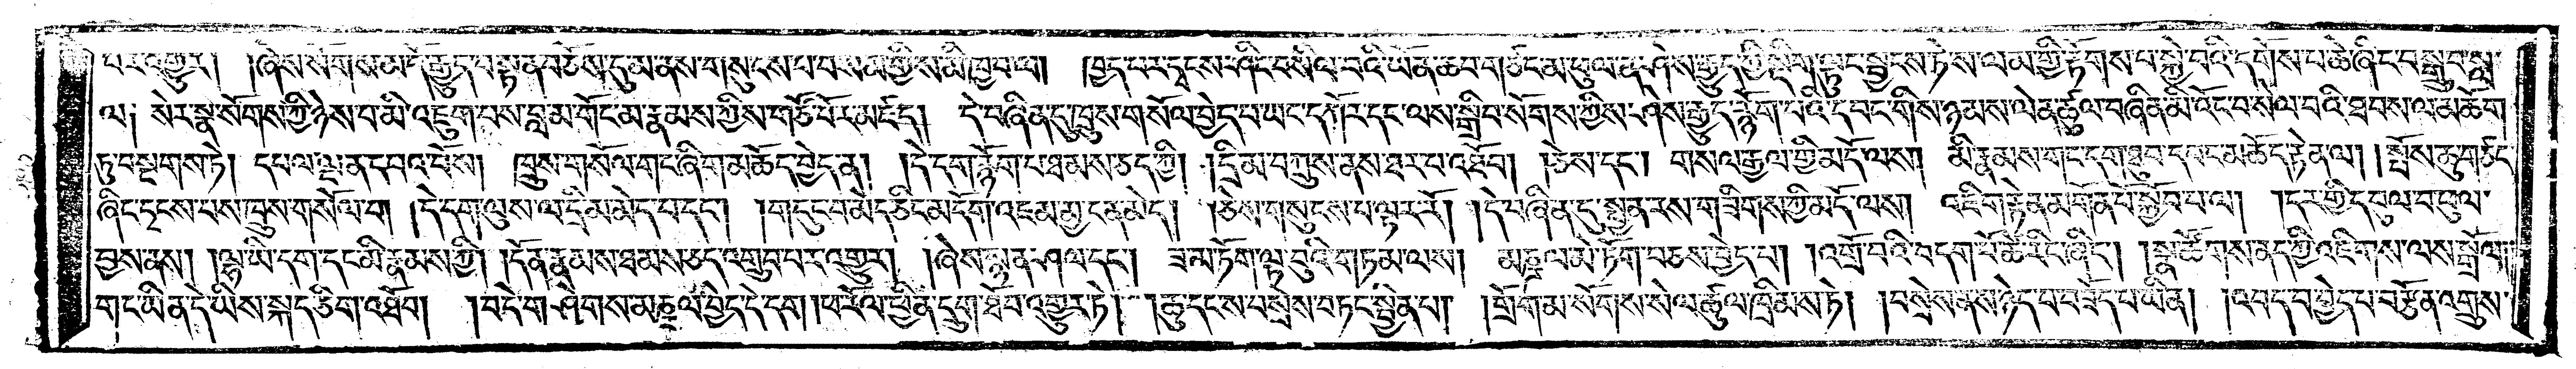པར་འགྱུར། །ཞེས་སོགས་མདོ་རྒྱུད་བསྟན་བཅོས་དུ་མ་ནས་གསུངས་པ་བསམ་གྱིས་མི་ཁྱབ་ལ། ཁྱད་པར་དྭངས་ཤིང་བསིལ་བའི་ཡོན་ཆབ་གཙང་མ་ཕུལ་ན་ཤེས་རྒྱུད་ཀྱི་ལྡིག་ལྟུང་སྦྱངས་ཏེ་ས་ལམ་གྱི་རྟོགས་པ་སྐྱེ་བའི་དགོས་པ་ཆེ་ཞིང་བསྒྲུབ་སླ་
ལ༑ སེར་སྣ་སོགས་ཀྱི་ཉེས་པ་མི་འཇུག་བས་བླ་མ་གོང་མ་རྣམས་ཀྱིས་གཙོ་བོར་མཛད། དེ་བཞིན་དུ་ཁྲུས་གསོལ་བྱེད་པ་ཡང་དཀོར་དང་ལས་སྒྲིབ་སོགས་ཀྱིས་ཤེས་རྒྱུད་རྙོག་པའི་དབང་གིས་ཉམས་ལེན་ཚུལ་བཞིན་མི་འོང་བསེལ་པའི་ཐབས་ལ་མཆོག་
ཏུ་བསྔགས་ཏེ། དཔལ་ལྡན་དབའ་བོས། ཁྲུས་གསོལ་གང་ཞིག་མཆོད་བྱེད་ན། །དེ་དག་རྙོག་པ་ཐམས་ཅད་ཀྱི། །དྲི་མ་བཀྲུས་ནས་ཐར་པ་འཐོབ། །ཅེས་དང་། གསལ་རྒྱལ་གྱི་མདོ་ལས། མི་རྣམས་གང་དག་ཐུབ་དབང་མཆོད་རྟེན་ལ། །སྤོས་ཆུ་གཙང་
ཞིང་དྭངས་བས་ཁྲུས་གསོལ་བ། །དེ་དག་ལུས་ལ་དྲི་མ་མེད་པ་དང་། །གདུང་བ་མེད་ཅིང་མདོག་འཇམ་མྱ་ངན་མེད། །ཅེས་གསུངས་པ་ལྟར་རོ། །དེ་བཞིན་དུ་སྤྱན་རས་གཟིགས་ཀྱི་མདོ་ལས། འཇིག་རྟེན་མགོན་པོ་སྐྱོབ་པ་ལ། །དར་གྱི་དབུལ་བ་ཕུལ་
བྱས་ནས། །ལྷ་ཡི་དག་དང་མི་རྣམས་ཀྱི། །དོན་རྣམས་ཐམས་ཅད་འགྲུབ་བར་འགྱུར། །ཞེས་སྙན་ཤལ་དང་། ཟམ་ཏོག་ལྟ་བུའི་གཏམ་ལས། མཎྜལ་མེ་ཏོག་བཅས་བྱེད་པ། །འགྲོ་བའི་བདག་པོ་ཚེ་རིང་ཞིང་། །སྣ་ཚོགས་ནད་ཀྱི་འཇིགས་ལས་སྒྲོལ། །
གང་ཡིན་དེ་ཡིས་སྐད་ཅིག་འཐོབ། །བདེ་གཤེགས་མཎྜལ་བྱེད་དེ་དག། ཕ་རོལ་ཕྱིན་དག་ཐོབ་འགྱུར་ཏེ། །ཆུ་དང་ས་བསྲེས་བཏང་སྤྱིན་པ། །གྲོག་མ་སོགས་སེལ་ཚུལ་ཁྲིམས་ཏེ། །བསྲེས་ནས་ཉེད་པ་བཟོད་པ་ཡིན། །འབད་པ་བྱེད་པ་བརྩོན་འགྲུས་